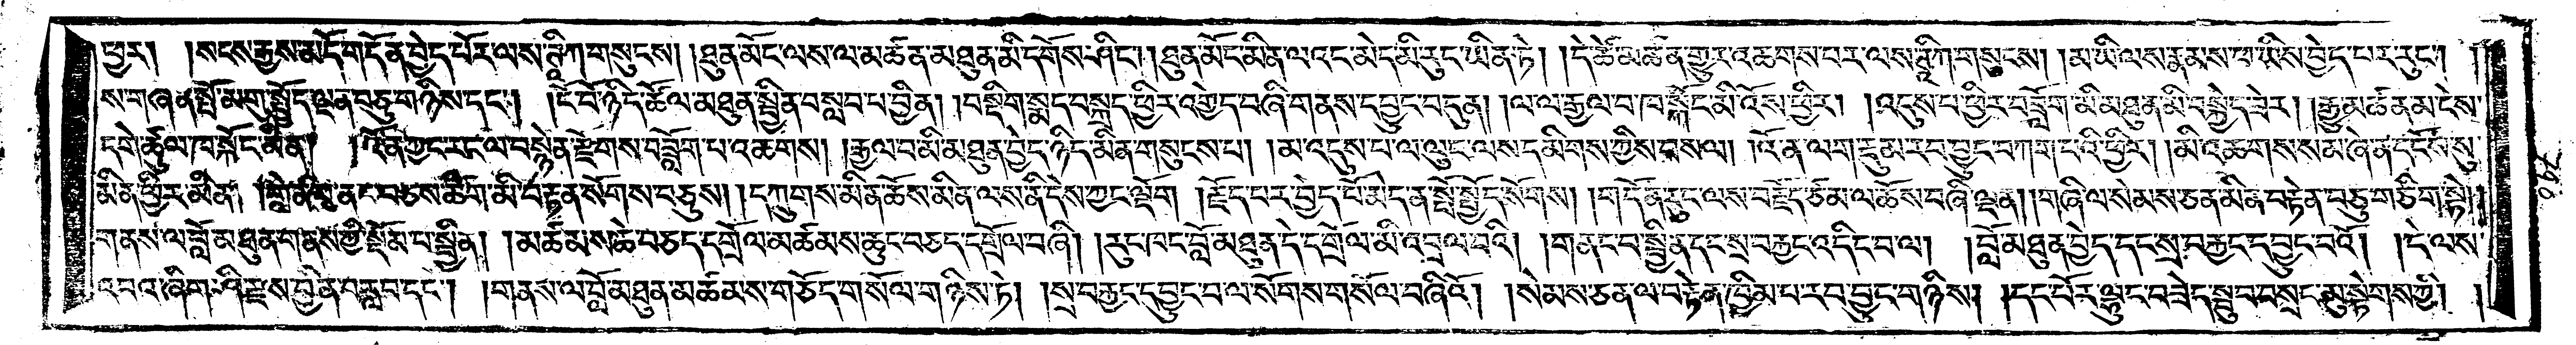ཕྱར། །སངས་རྒྱས་མདོ་གདོན་བྱེད་པོར་ལས་ཊཱིཀ་གསུངས། །ཐུན་མོང་ལས་ལ་མཚན་མཐུན་མི་དགོས་ཤིང་། །ཐུན་མོང་མིན་ལའང་མེད་མི་རུང་ཡིན་ཏེ། །དེ་ཚེ་མཚན་གྱུར་འཆགས་པར་ལས་ཊཱིཀ་གསུངས། །མ་ཡིས་ལས་རྣམས་ཕ་ཡིས་བྱེད་པར་རུང་། །
ས་གཞན་སྤོ་མགུ་སྤྱོད་ལྡན་བཅུ་གཉིས་དང་། །ངོ་བོ་ཉིད་ཚོལ་མཐུན་སྦྱིན་བསླབ་བ་བྱིན། །བསྡིག་སྨད་བསྐྲད་ཕྱིར་འགྱེད་བཞི་གནས་དབྱུང་བདུན། །ལ་ལ་རྒྱལ་བ་ཁ་སྐོང་མི་འོས་ཕྱིར། །འདུས་པ་ཕྱིར་བཟློག་མི་མཐུན་མི་བསྐྱེད་ཟེར། །རྒྱུ་མཚན་མ་ངེས་
དགེ་ཚུལ་ཁ་སྐོང་མིན། །འོན་ཀྱང་རང་ལ་བསྙེན་རྫོགས་བཟློག་པ་འཆགས། །རྒྱལ་བ་མི་མཐུན་བྱེད་ཉིད་མིན་གསུངས་པ། །མ་འདུས་པ་ལ་ལུང་ལས་དམིགས་ཀྱིས་བསལ། །འོ་ན་ལག་རྡུ་མ་རབ་བྱུང་བཀག་བའི་ཕྱིར། །མི་འཆགས་སམ་ཞེན་དངོས་སུ་
མིན་ཕྱིར་མིན། གླེན་བ་ནང་བཅས་ཚིག་མི་བརྟན་སོགས་བཅུས། །དཀྲུགས་མིན་ཆོས་མིན་ལས་ནི་དེས་ཀྱང་ལྡོག །རྗོད་པར་བྱེད་པོ་མེད་ན་སྤོ་སྤྱོད་སོགས། །གདོན་རུང་ལས་བརྗོད་ཙམ་ལ་ཆོས་བཞི་ལྡན། །གཞི་ལ་སེམས་ཅན་མིན་བརྟེན་བཅུ་གཅིག་སྟེ། །
གནས་ལ་བློ་མཐུན་གནས་ཀྱི་སྡོམ་བ་སྦྱིན། །མཚམས་ཆེ་བཅད་དགྲོལ་མཚམས་ཆུང་བཅད་དགྲོལ་བཞི། །རུང་ཁང་བློ་མཐུན་དེ་དགྲོལ་མི་འབྲལ་བའི། །གནང་བ་སྦྱིན་དང་སྲ་བརྐྱང་འདིང་བ་ལ། །བློ་མཐུན་བྱེད་དང་སྲ་བརྐྱད་དབྱུང་བའོ། །དེ་ལས་
འབའ་ཞིག་ཤི་རྫས་བྱིན་བརླབ་དང་། །གནས་ལ་བློ་མཐུན་མཚམས་གཅོད་གསོལ་གཉིས་ཏེ། །སྲ་བརྐྱད་དབྱུང་བ་ལ་སོགས་གསོལ་བཞིའོ། །སེམས་ཅན་ལ་བརྟེན་ཁྱིམ་པ་རབ་བྱུང་གཉིས། །དང་པོར་ལྷུང་བཟེད་སྦུབ་བསྲང་མུ་སྟེགས་ཀྱི། །